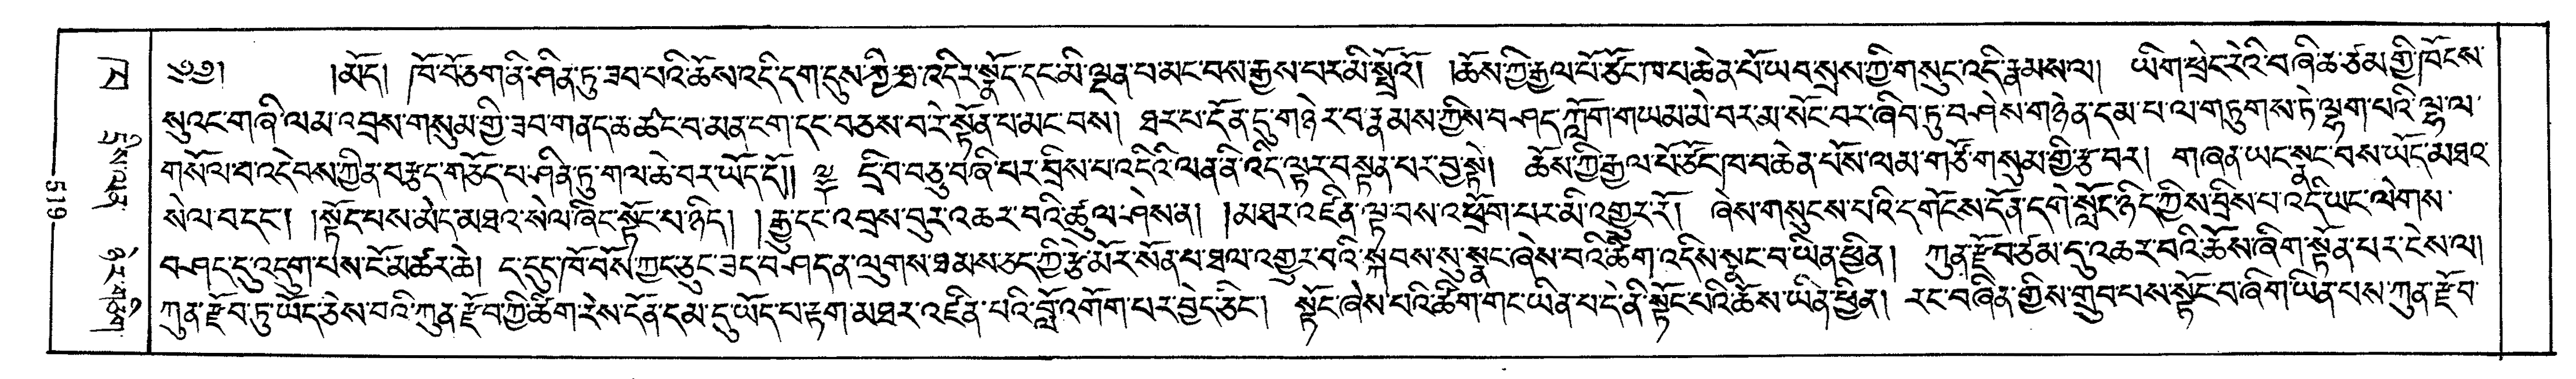༄༅། །མོད། ཁོ་བོ་ཅག་ནི་ཤིན་ཏུ་ཟབ་པའི་ཆོས་འདི་དག་དུས་ཀྱི་ཐ་འདིར་སྣོད་དང་མི་ལྡན་པ་མང་པས་རྒྱས་པར་མི་སྤྲོའོ། །ཆོས་ཀྱི་རྒྱལ་པོ་ཙོང་ཁ་པ་ཆེན་པོ་ཡབ་སྲས་ཀྱི་གསུང་འདི་རྣམས་ལ། ཡིག་ཕྲེང་རེའི་བཞི་ཆ་ཙམ་གྱི་ཁོངས་
སུའང་གཞི་ལམ་འབྲས་གསུམ་གྱི་ཟབ་གནད་ཆ་ཚང་བ་མན་ངག་དང་བཅས་པ་རེ་སྟོན་པ་མང་པས། ཐར་པ་དོན་དུ་གཉེར་བ་རྣམས་ཀྱིས་བཤད་ཀློག་གཡམ་མེ་བར་མ་སོང་བར་ཞིབ་ཏུ་བཤེས་གཉེན་དམ་པ་ལ་གཏུགས་ཏེ་ལྷག་པའི་ལྷ་ལ་
གསོལ་བ་འདེབས་ཀྱི་ན་བརྩད་གཅོད་པ་ཤིན་ཏུ་གལ་ཆེ་བར་ཡོད་དོ།། ༈ དྲི་བ་བཅུ་བཞི་པར་བྲིས་པ་འདིའི་ལན་ནི་འདི་ལྟར་བསྟན་པར་བྱ་སྟེ། ཆོས་ཀྱི་རྒྱལ་པོ་ཙོང་ཁ་པ་ཆེན་པོས་ལམ་གཙོ་གསུམ་གྱི་རྩ་བར། གཞན་ཡང་སྣང་བས་ཡོད་མཐའ་
སེལ་བ་དང་། །སྟོང་པས་མེད་མཐའ་སེལ་ཞིང་སྟོང་པ་ཉིད། །རྒྱུ་དང་འབྲས་བུར་འཆར་བའི་ཚུལ་ཤེས་ན། །མཐར་འཛིན་ལྟ་བས་འཕྲོག་པར་མི་འགྱུར་རོ། ཞེས་གསུངས་པའི་དགོངས་དོན་དགེ་སློང་ཉིད་ཀྱིས་བྲིས་པ་འདི་ཡང་ལེགས་
བཤད་དུ་འདུག་པས་ངོ་མཚར་ཆེ། ད་དུང་ཁོ་བོས་ཀྱང་ཅུང་ཟད་བཤད་ན་ལུགས་ཐམས་ཅད་ཀྱི་རྩེ་མོར་སོན་པ་ཐལ་འགྱུར་བའི་སྐབས་སུ་སྣང་ཞེས་པའི་ཚིག་འདིས་སྣང་བ་ཡིན་ཕྱིན། ཀུན་རྫོབ་ཙམ་དུ་འཆར་བའི་ཆོས་ཞིག་སྟོན་པར་ངེས་ལ་
ཀུན་རྫོབ་ཏུ་ཡོད་ཅེས་པའི་ཀུན་རྫོབ་ཀྱི་ཚིག་དེས་དོན་དམ་དུ་ཡོད་པ་རྟག་མཐར་འཛིན་པའི་བློ་འགོག་པར་བྱེད་ཅིང་། སྟོང་ཞེས་པའི་ཚིག་གང་ཡིན་པ་དེ་ནི་སྟོང་པའི་ཆོས་ཡིན་ཕྱིན། རང་བཞིན་གྱིས་གྲུབ་པས་སྟོང་བ་ཞིག་ཡིན་པས་ཀུན་རྫོབ་